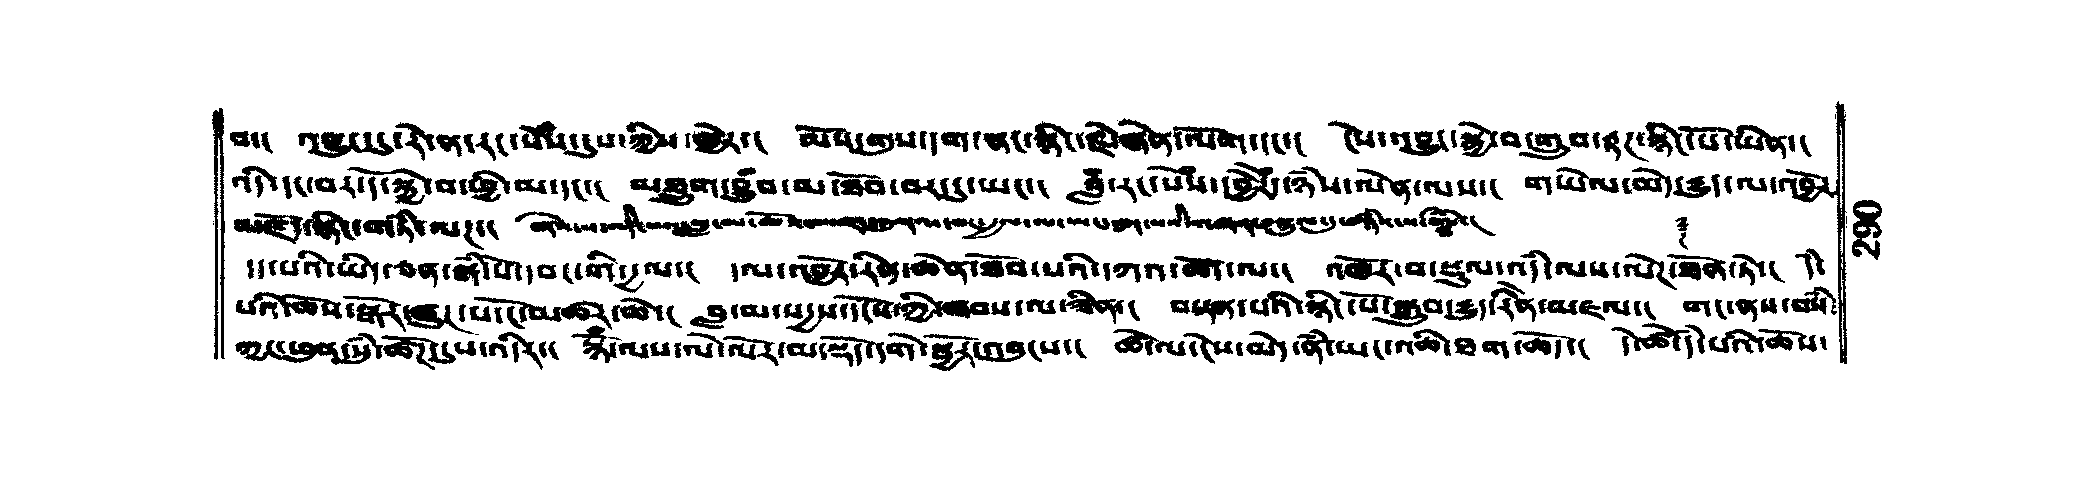བ། །འབྱུང་དུ་རེ་ན་རང་སེམས་བདུད་ཀྱིས་ཁྱེར། །མོས་གུས་དག་སྣང་སྙིང་རྗེ་ཞེན་ལོག་དང་། །ངེས་འབྱུང་སྐྱེ་བ་གྲུབ་རྟགས་སྙིང་པོ་ཡིན། །
འདི་དང་བར་དོ་སྐྱེ་བ་ཕྱི་མ་དང་། །མཐར་ཐུག་བྱང་ཆུབ་མ་ཐོབ་བར་དུ་ཡང་། །བླ་མ་རང་སེམས་དབྱེར་མེད་ཉམས་ལེན་ལས། །གཡེལ་མེད་རྒྱུད་ལ་འབྱོར་
མཛོད་སྙིང་གཏམ་ལགས། །ཞེས་པ་འདི་ནི་བླ་མ་ཆོས་མཛད་ཀུན་དགའ་དབང་རྒྱལ་ལ་ཡང་དད་པའི་གཞན་བསྐུལ་དུ་གདམས་པ་།། ༈ 
དད་པའི་ཡིད་ཅན་སྒམ་པོ་དབང་གི་རྒྱལ། །དལ་འབྱོར་རིན་ཆེན་ཐོབ་པའི་དཀའ་ཆོད་ལ། །འཁོར་བ་སྡུག་བསྔལ་འདམ་ལས་ལེགས་ཐོན་ཏེ། །དམ་
པའི་ཆོས་སྒོར་ཞུགས་པ་ངོ་མཚར་ཆེ། །བླ་མ་སངས་རྒྱས་དངོས་ཀྱི་ཞབས་ལ་ཟིན། །བསྟན་པའི་སྙིང་པོ་སྒྲུབ་རྒྱུད་རིན་ཆེན་མཇལ། །གང་ནས་བསམ་
ཀྱང་ཕུན་སུམ་ཚོགས་དུས་འདིར། །སྙོམ་ལས་ལེ་ལོར་མ་སྡོད་དགེ་སྦྱོར་འབུངས། །ཚེ་ལ་ངེས་མེད་ནམ་ཡང་འཆི་ཐག་ཆོད། །དེ་ཚེ་དམ་པའི་ཆོས་